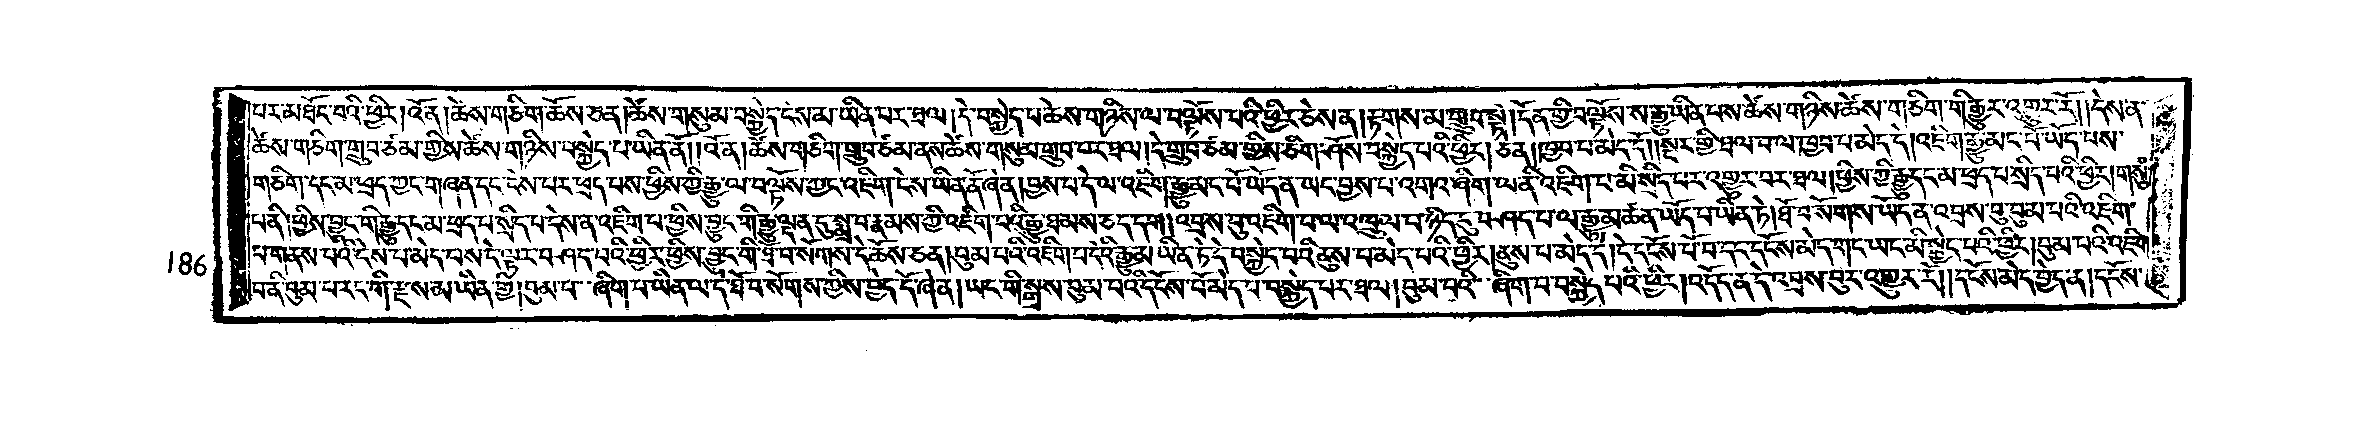པར་མཐོང་བའི་ཕྱིར། འོ་ན། ཚེས་གཅིག་ཆོས་ཅན། ཚེས་གསུམ་བསྐྱེད་ངེས་མ་ཡིན་པར་ཐལ། དེ་བསྐྱེད་པ་ཚེས་གཉིས་ལ་བལྟོས་པའི་ཕྱིར་ཅེས་ན། རྟགས་མ་གྲུབ་སྟེ། དོན་གྱི་བལྟོས་ས་རྒྱུ་ཡིན་པས་ཚེས་གཉིས་ཚེས་གཅིག་གི་རྒྱུར་འགྱུར་རོ། །དེས་ན་
ཚེས་གཅིག་གྲུབ་ཙམ་གྱིས་ཚེས་གཉིས་བསྐྱེད་པ་ཡིན་ནོ། །འོ་ན། ཚེས་གཅིག་གྲུབ་ཙམ་ནས་ཚེས་གསུམ་གྲུབ་པར་ཐལ། དེ་གྲུབ་ཙམ་གྱིས་ཅིག་ཤོས་བསྐྱེད་པའི་ཕྱིར། ཅེ་ན། ཁྱབ་པ་མེད་དོ། །སྔར་གྱི་ཐལ་བ་ལ་ཁྱབ་པ་མེད་དེ། འཇིག་རྒྱུ་མང་པོ་ཡོད་པས་
གཅིག་དང་མ་ཕྲད་ཀྱང་གཞན་དང་ངེས་པར་ཕྲད་པས་ཕྱིས་ཀྱི་རྒྱུ་ལ་བལྟོས་ཀྱང་འཇིག་ངེས་ཡིན་ནོ་ཞེ་ན། བྱས་པ་དེ་ལ་འཇིག་རྒྱུ་མང་པོ་ཡོད་ན་ཡང་བྱས་པ་འགའ་ཞིག་ལ་ནི་འཇིག་པ་མི་སྲིད་པར་འགྱུར་བར་ཐལ། ཕྱིས་ཀྱི་རྒྱུ་དང་མ་ཕྲད་པ་སྲིད་པའི་ཕྱིར། གསུམ་
པ་ནི། ཕྱིས་བྱུང་གི་རྒྱུ་དང་མ་ཕྲད་པ་སྲིད་པ་དེས་ན་འཇིག་པ་ཕྱིས་བྱུང་གི་རྒྱུ་ལྡན་དུ་སྨྲ་བ་རྣམས་ཀྱི་འཇིག་པའི་རྒྱུ་ཐམས་ཅད་དག །འབྲས་བུ་འཇིག་པ་ལ་འཁྲུལ་པ་ཉིད་དུ་བཤད་པ་ལ་རྒྱུ་མཚན་ཡོད་པ་ཡིན་ཏེ། ཐོ་བ་སོགས་ཡོད་ན་འབྲས་བུ་བུམ་པའི་འཇིག་
པ་གནས་པའི་ངེས་པ་མེད་པས་དེ་ལྟར་བཤད་པའི་ཕྱིར་ཕྱིས་བྱུང་གི་ཐོ་བ་སོགས་དེ་ཆོས་ཅན། བུམ་པའི་འཇིག་པ་དེའི་རྒྱུ་མ་ཡིན་ཏེ་དེ་བསྐྱེད་པའི་ནུས་པ་མེད་པའི་ཕྱིར། ནུས་པ་མེད་དེ། དེ་དངོས་པོ་བ་དང་དངོས་མེད་གང་ཡང་མི་སྐྱེད་པའི་ཕྱིར། བུམ་པའི་འཇིག་
པ་ནི་བུམ་པ་རང་གི་རྫས་མ་ཡིན་གྱི། བུམ་པ་ཞིག་པ་ཡིན་ལ་དེ་ཐོ་བ་སོགས་ཀྱིས་བྱེད་དོ་ཞེ་ན། ཡང་གི་སྒྲས་བུམ་པའི་དངོས་པོ་མེད་པ་བསྐྱེད་པར་ཐལ། བུམ་པའི་ཞིག་པ་བསྐྱེད་པའི་ཕྱིར། འདོད་ན་དེ་འབྲས་བུར་འགྱུར་རོ། །དངོས་མེད་བྱེད་ན། དངོས་